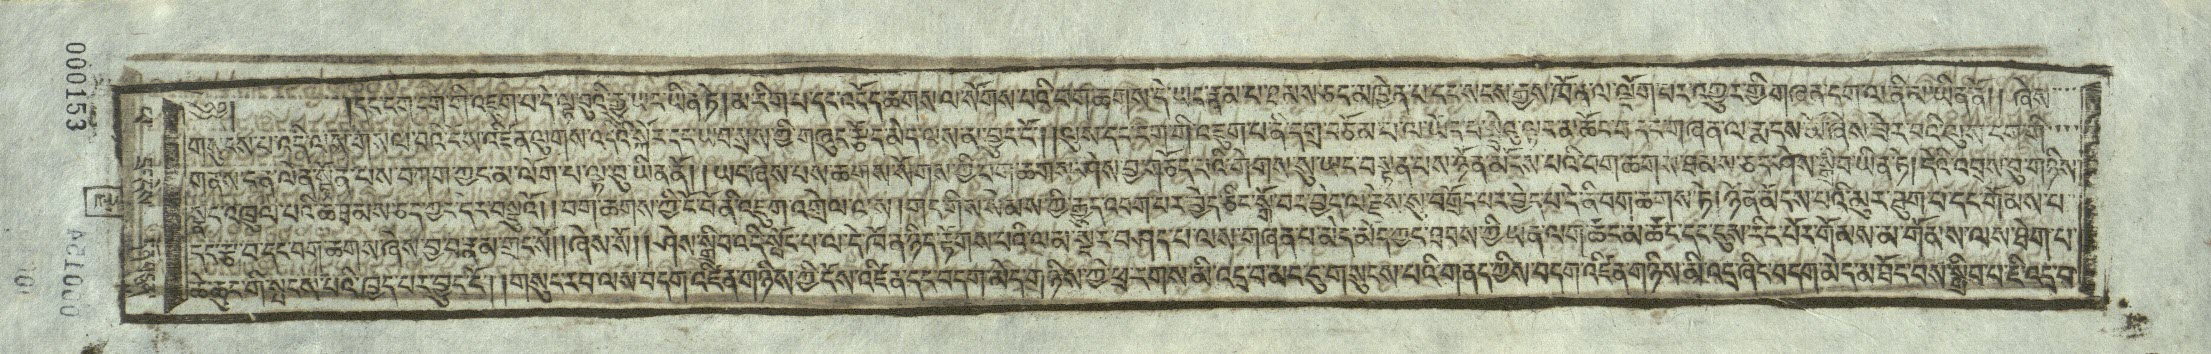༄༅། །དང་ངག་དག་གི་འཇུག་པ་དེ་ལྟ་བུའི་རྒྱུ་ཡང་ཡིན་ཏེ། མ་རིག་པ་དང་འདོད་ཆགས་ལ་སོགས་པའི་བག་ཆགས་དེ་ཡང་རྣམ་པ་ཐམས་ཅད་མཁྱེན་པ་དང་སངས་རྒྱས་ཁོ་ན་ལ་ལྡོག་པར་འགྱུར་གྱི་གཞན་དག་ལ་ནི་མ་ཡིན་ནོ། །ཞེས་
གསུངས་པ་འདི་ལས་གསལ་བའི་ངོས་འཛིན་ལུགས་འདིའི་སྐོར་དང་ཡབ་སྲས་ཀྱི་གཞུང་རྩོད་མེད་ལས་མ་བྱུང་ངོ། །ལུས་དང་ངག་གི་འཇུག་པ་ནི་དགྲ་བཅོམ་པ་ལ་ཡོད་པ་སྤྲེའུ་ལྟར་མཆོང་བ་དང་གཞན་ལ་རྨངས་མོ་ཞེས་ཟེར་བའི་ལུས་ངག་གི་
གནས་ངན་ལེན་སྟོན་པས་བཀག་ཀྱང་མ་ལོག་པ་ལྟ་བུ་ཡིན་ནོ། །ཡང་ཞེས་པས་ཆགས་སོགས་ཀྱི་བག་ཆགས་ཤེས་བྱ་གཅོད་པའི་གེགས་སུ་ཡང་བསྟན་པས་ཉོན་མོངས་པའི་བག་ཆགས་ཐམས་ཅད་ཤེས་སྒྲིབ་ཡིན་ཏེ། དེའི་འབྲས་བུ་གཉིས་
སྣང་འཁྲུལ་བའི་ཆ་ཐམས་ཅད་ཀྱང་དེར་བསྡུའོ། །བག་ཆགས་ཀྱི་ངོ་བོ་ནི་འཇུག་འགྲེལ་ལས། གང་གིས་སེམས་ཀྱི་རྒྱུད་འབག་པར་བྱེད་ཅིང་སྒོ་བར་བྱེད་ལ་རྗེས་སུ་བགྲོད་པར་བྱེད་པ་དེ་ནི་བག་ཆགས་ཏེ། ཉོན་མོངས་པའི་མུར་ཐུག་པ་དང་གོམས་པ་
དང་རྩ་བ་དང་བག་ཆགས་ཞེས་བྱ་བ་རྣམ་གྲངས་སོ། །ཞེས་སོ། །ཤེས་སྒྲིབ་འདི་སྤོང་བ་ལ་དེ་ཁོ་ན་ཉིད་རྟོགས་པའི་ལམ་སྔར་བཤད་པ་ལས་གཞན་པ་མེད་མོད་ཀྱང་ཐབས་ཀྱི་ཡན་ལག་ཚང་མ་ཚང་དང་དུས་རིང་པོར་གོམས་མ་གོམས་ལས་ཐེག་པ་
ཆེ་ཆུང་གི་སྤངས་པའི་ཁྱད་པར་བྱུང་ངོ། །གསུང་རབ་ལས་བདག་འཛིན་གཉིས་ཀྱི་ངོས་འཛིན་དང་བདག་མེད་གཉིས་ཀྱི་ཕྲ་རགས་མི་འདྲ་བ་མང་དུ་གསུངས་པའི་གནད་ཀྱིས་བདག་འཛིན་གཉིས་མི་འདྲ་ཞིང་བདག་མེད་མཐོང་བས་སྒྲིབ་པ་ཇི་འདྲ་བ་